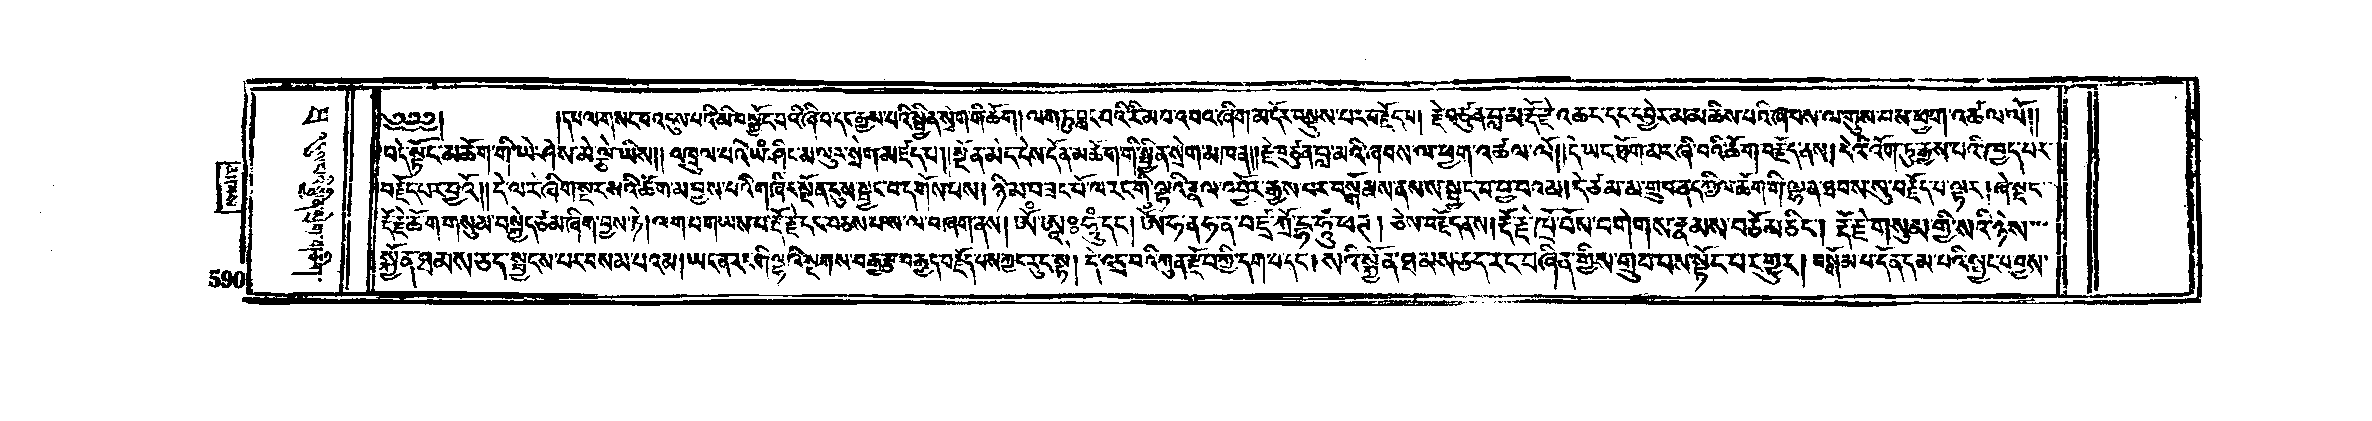༄༅༅། །དཔལ་གསང་བ་འདུས་པའི་མི་བསྐྱོང་བའི་ཞི་བ་དང་རྒྱས་པའི་སྦྱོན་སྲིག་གི་ཆོ་ག། ལག་ཏུ་བླང་བའི་རིམ་པ་འབའ་ཞིག་མདོར་བསྡུས་པར་བརྗོད་པ། རྗེ་བཙུན་བླ་མ་རྡོ་རྗེ་འཆང་དང་དབྱེར་མ་མཆིས་པའི་ཞབས་ལ་གུས་པས་ཕྱག་འཚལ་ལོ།
བདེ་སྟོང་མཆོག་གི་ཡེ་ཤེས་མེ་ལྕེ་ཡིས། །འཁྲུལ་པའི་ཡཾ་ཤིང་མ་ལུར་སྲེག་མཛད་པ། །སྔོན་མེད་ངེས་དོན་མཆོག་གི་སྦྱིན་སྲེག་མཁན། །རྗེ་བཙུན་བླ་མའི་ཞབས་ལ་ཕྱག་འཚལ་ལོ། །དེ་ཡང་ཐོག་མར་ཞི་བའི་ཆོ་ག་བརྗོད་ནས། དེའི་འོག་ཏུ་རྒྱས་པའི་ཁྱད་པར་
བརྗོད་པར་བྱའོ། །དེ་ལ་རེ་ཞིག་སྔར་སའི་ཆོག་མ་བྱས་པའི་གཞིར་སྔོན་དུས་སྦྱང་བ་དགོས་པས། ཉི་མ་བཟང་པོ་ལ་རང་གི་ལྷའི་རྣལ་འབྱོར་རྒྱས་པར་བསྒོམས་ནས་ས་སྦྱང་བ་བྱ་བའམ། དེ་ཙམ་མ་གྲུབ་ན་དཀྱིལ་ཆོག་གི་ལྷན་ཐབས་སུ་བརྗོད་པ་ལྟར། ཞེ་སྔང་
རྡོ་རྗེ་ཆོག་གསུམ་བསྐྱེད་ཙམ་ཞིག་བྱས་ཏེ། ལག་པ་གཡས་པ་རྡོ་རྗེ་དང་བཅས་པ་ས་ལ་བཞག་ནས། ཨོཾ་ཨཱཿ ཧཱུཾ་དང་། ཨོཾ་ཧ་ན་ཧ་ན་བྫྲ་ཀྲོ་དྷ་ཧཱུཾ་ཕཌ། ཅེས་བརྗོད་ནས། རྡོ་རྗེ་ཁྲོ་བོས་བགེགས་རྣམས་བཅོམ་ཅིང་། རྡོ་རྗེ་གསུམ་གྱི་སའི་ཉེས་
སྐྱོན་ཐམས་ཅད་སྦྱངས་པར་བསམ་པའམ། ཡང་ན་རང་གི་ལྷའི་སྔགས་བརྒྱ་རྩ་བརྒྱད་བརྗོད་པས་ཀྱང་རུང་སྟེ། དེ་འདྲ་བའི་ཀུན་རྫོབ་ཀྱི་དག་པ་དང་། སའི་སྐྱོན་ཐབས་ཅད་རང་བཞིན་གྱིས་གྲུབ་པས་སྟོང་པར་གྱུར། བསྒོམ་པ་དོན་དམ་པའི་སྦྱང་བ་བྱས་